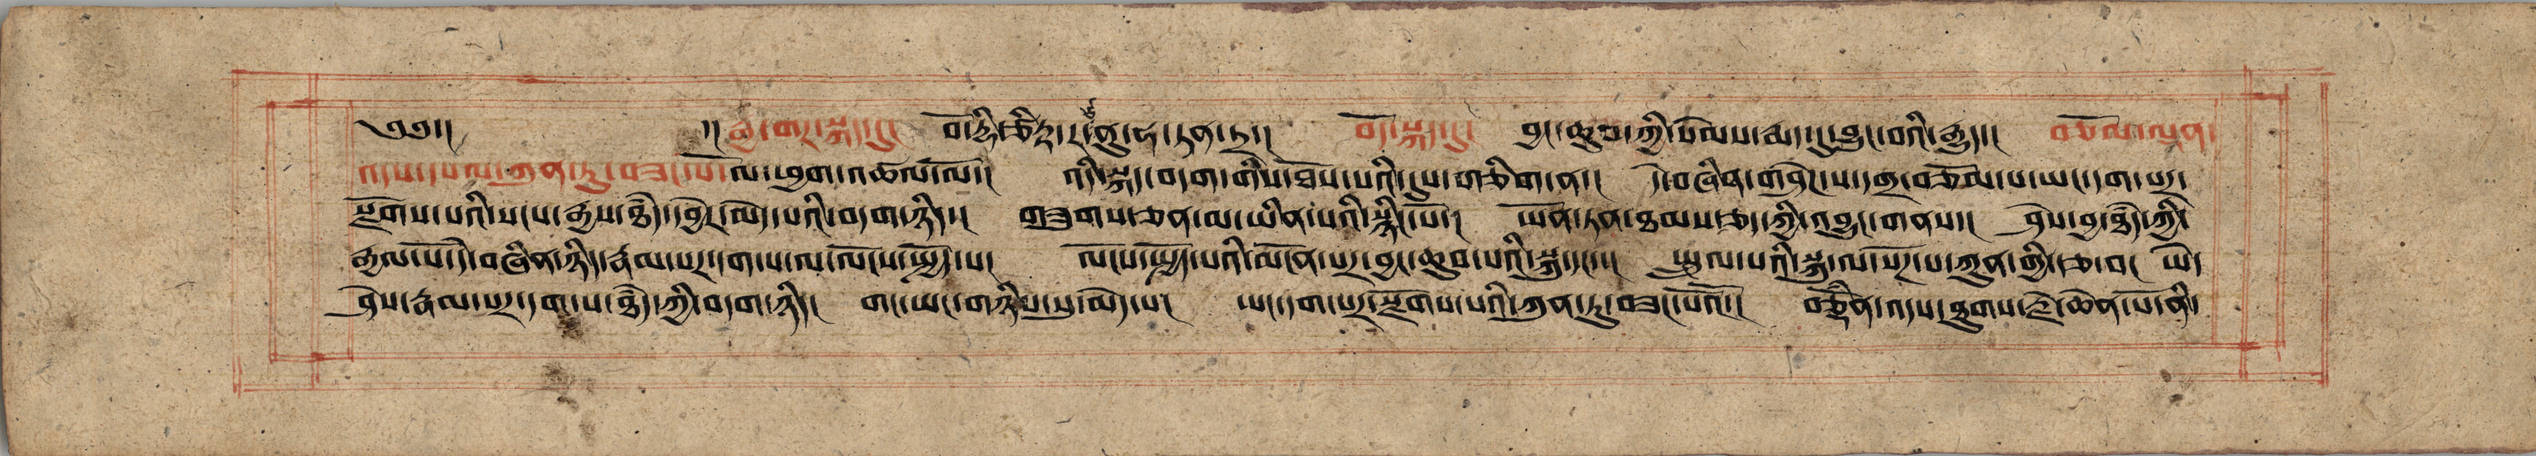༄༅་། ་།རྒྱ་གར་སྐད་དུ། བོ་དྷི་ཙིཏྟ་ར་ནུ་ཧ་ཏན་ཏྲ་། བོད་སྐད་དུ། བྱང་ཆུབ་ཀྱི་སེམས་རྨད་དུ་བྱུང་བའི་རྒྱུད་། བཅོམ་ལྡན་
འདས་དཔལ་ཀུན་ཏུ་བཟང་པོ་ལ་ཕྱག་འཚལ་ལོ་། འདི་སྐད་བདག་གིས་ཐོས་པའི་དུས་གཅིག་ན་། དེ་བཞིན་གཤེགས་པ་དགྲ་བཅོམ་པ་ཡང་དག་པར་
སྫོགས་པའི་སངས་རྒྱས་ཐདཾ་དབྱེར་མེད་པའི་བདག་ཉིད་། གཟུགས་ཅན་མ་ཡིན་པའི་སྙིང་པོ་། ཡོན་ཏན་ཐམས་ཅད་ཀྱི་འབྱུང་གནས་། ཤེས་བྱ་ཐདཾ་ཀྱི་
རྒྱལ་པོ་དེ་བཞིན་ཉིད་རྣམ་པར་དག་པ་ལ་ལོངས་སྤྱོད་པ། ལོངས་སྤྱོད་པའི་མངོན་པར་བྱང་ཆུབ་པའི་སྐུ་དང་་། སྤྲུལ་པའི་སྐུ་ལ་སོཌ་པ་ཀུན་གྱི་རྩ་བ་། ཡེ་
ཤེས་རྣམ་པར་དག་པ་ཐཾད་ཀྱི་བདག་ཉིད་། གང་ཡང་གཉིས་སུ་མེད་པ་། ཡང་དག་པར་སྫོགས་པའི་ཀུན་ཏུ་བཟང་པོའོ་། བཅྡོཾན་འདས་ཐུགས་རྗེ་ཆེན་པོ་ནི་